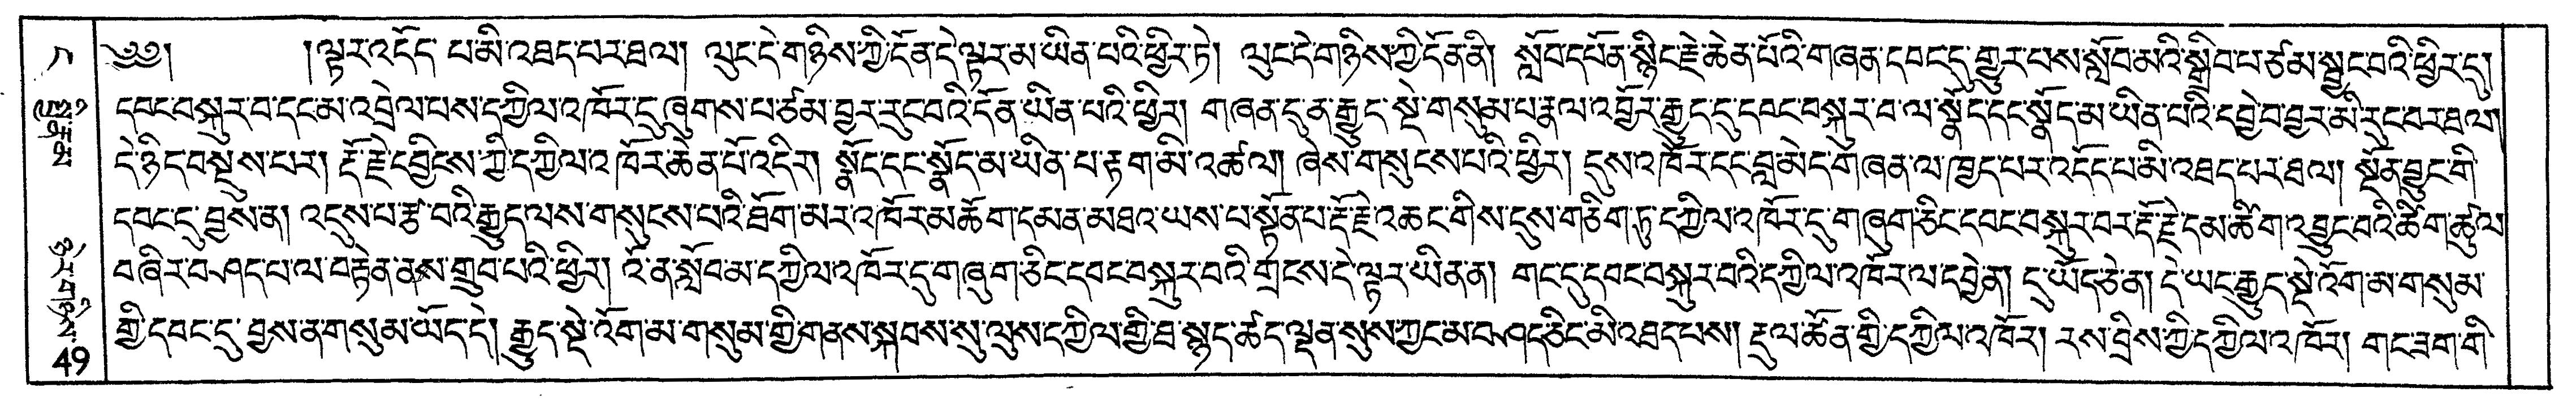༄༅། །ལྟར་འདོད་པ་མི་འཐད་པར་ཐལ། ལུང་དེ་གཉིས་ཀྱི་དོན་དེ་ལྟར་མ་ཡིན་པའི་ཕྱིར་ཏེ། ལུང་དེ་གཉིས་ཀྱི་དོན་ནི། སློབ་དཔོན་སྙིང་རྗེ་ཆེན་པོའི་གཞན་དབང་དུ་གྱུར་པས་སློབ་མའི་སྒྲིབ་པ་ཙམ་སྦྱང་བའི་ཕྱིར་དུ།
དབང་བསྐུར་བ་དང་མ་འབྲེལ་པས་དཀྱིལ་འཁོར་དུ་ཞུགས་པ་ཙམ་བྱར་རུང་བའི་དོན་ཡིན་པའི་ཕྱིར། གཞན་དུ་ན་རྒྱུད་སྡེ་གསུམ་པ་རྣལ་འབྱོར་རྒྱུད་དུ་དབང་བསྐུར་བ་ལ་སྣོད་དང་སྣོད་མ་ཡིན་པའི་དབྱེ་བ་བྱར་མི་རུང་བར་ཐལ།
དེ་ཉིད་བསྡུས་པར། རྡོ་རྗེ་དབྱིངས་ཀྱི་དཀྱིལ་འཁོར་ཆེན་པོ་འདིར། སྣོད་དང་སྣོད་མ་ཡིན་པ་རྟག་མི་འཚལ། ཞེས་གསུངས་པའི་ཕྱིར། དུས་འཁོར་དང་བླ་མེད་གཞན་ལ་ཁྱད་པར་འདོད་པ་མི་འཐད་པར་ཐལ། སྔོན་བྱུང་གི་
དབང་དུ་བྱས་ན། འདུས་པ་རྩ་བའི་རྒྱུད་ལས་གསུངས་པའི་ཐོག་མར་འཁོར་མཆོག་དམན་མཐའ་ཡས་པ་སྟོན་པ་རྡོ་རྗེ་འཆང་གིས་དུས་གཅིག་ཏུ་དཀྱིལ་འཁོར་དུ་གཞུག་ཅིང་དབང་བསྐུར་བར་རྡོ་རྗེ་དམ་ཚིག་འབྱུང་བའི་ཚིག་ཚུལ་
བཞིར་བཤད་པ་ལ་བརྟེན་ནས་གྲུབ་པའི་ཕྱིར། འོ་ན་སློབ་མ་དཀྱིལ་འཁོར་དུ་གཞུག་ཅིང་དབང་བསྐུར་བའི་གྲངས་དེ་ལྟར་ཡིན་ན། གང་དུ་དབང་བསྐུར་བའི་དཀྱིལ་འཁོར་ལ་དབྱེ་ན། དུ་ཡོད་ཅེ་ན། དེ་ཡང་རྒྱུད་སྡེ་འོག་མ་གསུམ་
གྱི་དབང་དུ་བྱས་ན་གསུམ་ཡོད་དེ། རྒྱུད་སྡེ་འོག་མ་གསུམ་གྱི་གནས་སྐབས་སུ་ལུས་དཀྱིལ་གྱི་ཐ་སྙད་ཚད་ལྡན་སུས་ཀྱང་མ་བཤད་ཅིང་མི་འཐད་པས། རྡུལ་ཚོན་གྱི་དཀྱིལ་འཁོར། རས་བྲིས་ཀྱི་དཀྱིལ་འཁོར། གང་ཟག་གི་